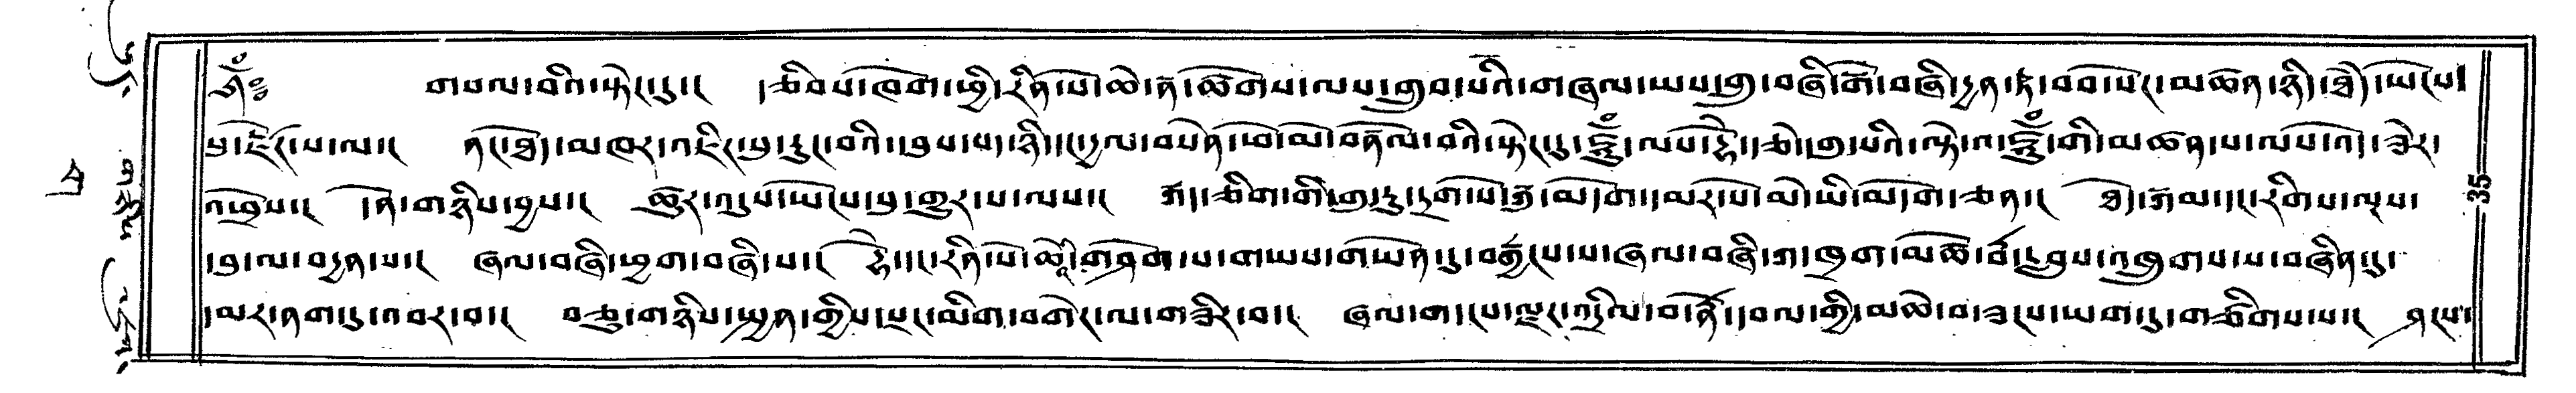གསལ་བའི་སྟེང་དུ། རྩིབས་ཁོག་ཕྱི་རིན་པོ་ཆེ་སྣ་ཚོགས་ལས་གྲུབ་པའི་གཞལ་ཡས་ཁང་གྲུ་བཞི་སྒོ་བཞི་རྒྱན་རྟ་བབས་སོགས་མཚན་ཉིད་ཐམས་ཅད་ཡོངས་
སུ་རྫོགས་པ་ལ། ནང་ཐོད་མཁར་འཇིགས་སུ་རུང་བའི་དབུས་པད་ཉི་དང་རྒྱལ་བསེན་ཕོ་མོ་བསྣོལ་བའི་སྟེང་དུ་ཧྃའུ་ལས་རྡོ་རྗེ་རྩེ་དགུ་པའི་ལྟེབ་་ཧཱུྃ་གི་མཚན་པ་ལས་འོད་ཟེར་
འཕྲོས། དོན་གཉིས་བྱས། ཚུར་འདུས་ཡོངས་སུ་གྱུར་པ་ལས། སྐད་ཅིག་གིས་གུ་རུ་དྲག་པོ་སྐུ་མདོག་དམར་པོ་མེ་ཡི་མདོག་ཅན། ཐོད་སྐམ་དང་རིགས་ལྔས་
དབུ་ལ་བརྒྱན་པ། ཞལ་བཞི་ཕྱག་བཞི་པ། རྡོ་རྗེ་དང་རིན་པོ་ཆེའི་གཤོག་པ་གཡས་གཡོན་དུ་བརྐྱངས་པ། ཞལ་བཞི་ཀ་ཁྲག་མཚོ་རྦ་རླབས་འཁྲུགས་པ་བཞིན་དུ་
དམར་ནག་དུ་འབར་བ། བཅུ་གཉིས་སྤྱན་གྱིས་སྡང་མིག་བགེགས་ལ་གཟིར་བ། ཞལ་གདངས་ལྗགས་འདྲིལ་བ།རྣོ་དབལ་གྱི་མཆེ་བ་ཟངས་ཡག་དུ་གཙིགས་པ། ཤངས་